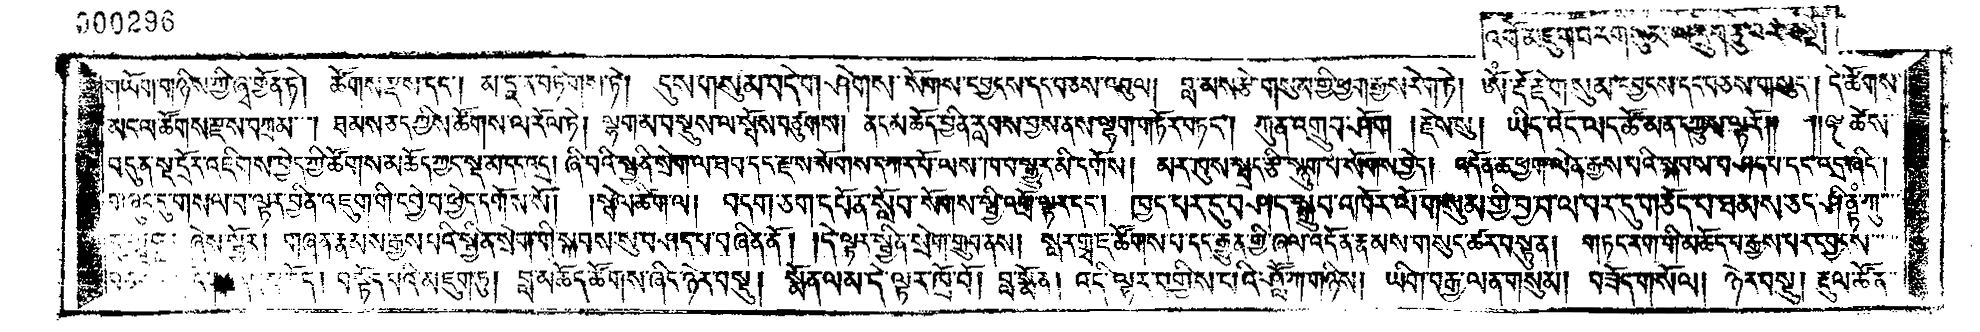གཡོག་གཉིས་ཀྱི་ཞྭ་གྱོན་ཏེ། ཚོགས་རྫས་དང་། མ་དཱ་ན་བཏེགས་ཏེ། དུས་གསུམ་བདེ་གཤེགས་སོགས་དབྱངས་དང་བཅས་འབུལ། བླ་མས་རྩེ་གསུམ་གྱི་ཕྱག་རྒྱས་རེག་ཏེ། འགོ་མཇུག་བར་གསུམ་ལ་དྲུག་ཅུ་བ་རེ་བསྔོ། ཨོཾ་རྡོ་རྗེ་གསུམ་དབྱངས་དང་བཅས་གསུང་། དེ་ཚོགས་
མང་ལ་ཚོགས་རྫས་བཀྲམ། ཐམས་ཅད་ཀྱིས་ཚོགས་ལ་རོལ་ཏེ། ལྷག་མ་བསྡུས་ལ་སྤོས་བཙུགས། ནང་མཆོད་བྱིན་རླབས་བྱས་ནས་ལྷག་གཏོར་བཏང་། ཀུན་འགྲུབ་ཤོག །རྗེས་སུ། ཡིད་འོང་ལང་ཚོ་མན་དཀྱུས་ལྟར་རོ།། །། ༈ ཚེས་
བདུན་སྔ་དྲོར་འཇིགས་བྱེད་ཀྱི་ཚོགས་མཆོད་ཀྱང་སྔ་མ་དང་འདྲ། ཞི་བའི་སྦྱིན་སྲེག་ལ་ཐབ་དང་རྫས་སོགས་དཀར་པོ་ལས་ཁ་བསྒྱུར་མི་དགོས། མར་ཁུས་སྦྲང་རྩི་སྙུག་པ་སོགས་བྱེད། འདོན་ཆ་ཕྱག་ལེན་རྒྱས་པའི་སྐབས་བཤད་པ་དང་འདྲ་ཞིང་།
གཞུང་དུ་གསལ་བ་ལྟར་བྱིན་འཇུག་གི་དབྱེ་བ་ཕྱེད་དགོས་སོ། །སྤེལ་ཚིག་ལ། བདག་ཅག་དཔོན་སློབ་སོགས་སྤྱི་འགྲོ་ལྟར་དང་། ཁྱད་པར་དུ་བཤད་སྒྲུབ་འཁོར་ལོ་གསུམ་གྱི་བྱ་བ་ལ་བར་དུ་གཅོད་པ་ཐམས་ཅད་ཤིནྟཾ་ཀུ་
རུ་སྭཱ་ཧཱ། ཞེས་སྦྱོར། གཞན་རྣམས་རྒྱས་པའི་སྦྱིན་སྲེག་གི་སྐབས་སུ་བཤད་པ་བཞིན་ནོ། །དེ་ལྟར་སྦྱིན་སྲེག་གྲུབ་ནས། སླར་གྲྭ་ཇ་ཚོགས་པ་དང་རྒྱུན་གྱི་ཞལ་འདོན་རྣམས་གསུང་ཚར་བསྟུན། གཏང་རག་གི་མཆོད་པ་རྒྱས་པར་དབྱངས་
བཅས་གཏོང་། ནང་མཆོད། བསྟོད་པའི་མཇུག་ཏུ། བླ་མཆོད་ཚོགས་ཞིང་ཉེར་བསྡུ། སྨོན་ལམ་དེ་ལྟར་ཁྲོ་བོ། བླ་སྨོན། འདི་ལྟར་བགྱིས་པའི་ཤླཽ་ཀ་གཉིས། ཡིག་བརྒྱ་ལན་གསུམ། བཟོད་གསོལ། ཉེར་བསྡུ། རྡུལ་ཚོན་